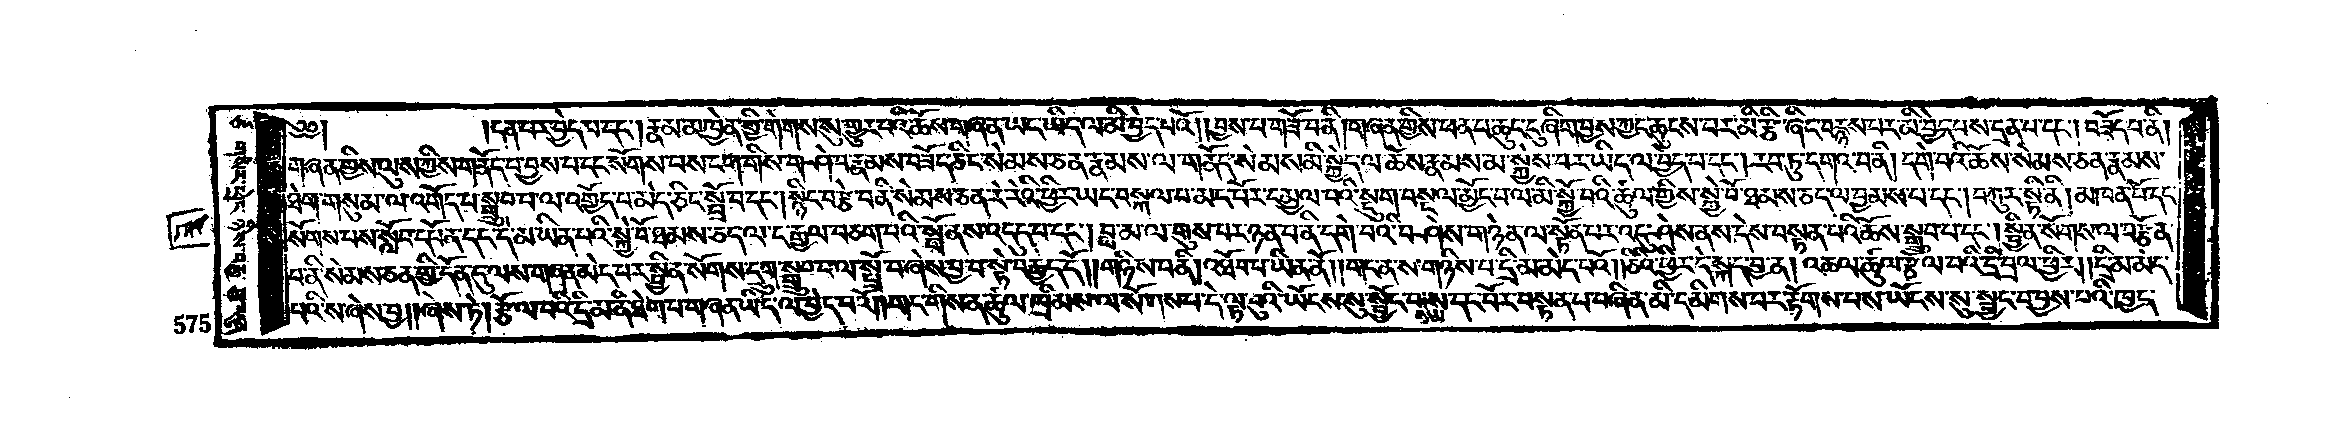༄༅། །དན་པར་བྱེད་པ་དང་། རྣམ་མཁྱེན་གྱི་གེགས་སུ་གྱུར་པའི་ཆོས་གཞན་ཡང་ཡིད་ལ་མི་བྱེད་པའོ། །བྱས་པ་གཟོ་བ་ནི། གཞན་གྱིས་ཕན་པ་ཆུང་ངུ་ཞིག་བྱས་ཀྱང་ཚུངས་པར་མི་རྩི་ཞིང་བརྙས་པར་མི་བྱེད་པས་དྲན་པ་དང་། བཟོད་པ་ནི།
གཞན་གྱིས་ལུས་ཀྱིས་གནོད་པ་བྱས་པ་དང་སོགས་པས་ངག་གིས་གཤེ་བ་རྣམས་བཟོད་ཅིང་སེམས་ཅན་རྣམས་ལ་གནོད་སེམས་མི་སྐྱེད་ལ་ཆོས་རྣམས་མ་སྐྱེས་པར་ཡིད་ལ་བྱེད་པ་དང་། རབ་ཏུ་དགའ་བ་ནི། དགེ་བའི་ཆོས་སེམས་ཅན་རྣམས་
ཐེག་གསུམ་ལ་འགོད་པ་སྒྲུབ་པ་ལ་འགྱོད་པ་མེད་ཅིང་སྤྲོ་བ་དང་། སྙིང་བརྩེ་བ་ནི་སེམས་ཅན་རེ་རེའི་ཕྱིར་ཡང་བསྐལ་པ་མང་པོར་དམྱལ་བའི་སྡུག་བསྔལ་མྱོང་བ་ལ་མི་སྐྱོ་བའི་ཚུལ་གྱིས་སྐྱེ་བོ་ཐམས་ཅད་ལ་བྱམས་པ་དང་། བཀུར་སྟི་ནི། མཁན་པོ་དང་
སོགས་པས་སློབ་དཔོན་དང་དེ་མ་ཡིན་པའི་སྐྱེ་བོ་ཐམས་ཅད་ལ་ང་རྒྱལ་བཅག་པའི་སྒོ་ནས་འདུད་པ་དང་། བླ་མ་ལ་གུས་པར་ཉན་པ་ནི་དགེ་བའི་བཤེས་གཉེན་ལ་སྟོན་པར་འདུ་ཤེས་ནས་དེས་བསྟན་པའི་ཆོས་སྒྲུབ་པ་དང་། སྦྱིན་སོགས་ལ་བརྩོན་
པ་ནི་སེམས་ཅན་གྱི་དོན་དུ་ལས་གཞན་མེད་པར་སྦྱིན་སོགས་དྲུག་སྒྲུབ་པ་ལ་སྤྲོ་བ་ཞེས་བྱ་བ་སྟེ་བརྒྱད་དོ། །གཉིས་པ་ནི། འཐོབ་པ་ཡིན་ནོ། །གང་ན་ས་གཉིས་པ་དྲི་མ་མེད་པའོ། །ཅིའི་ཕྱིར་དེ་སྐད་བྱ་ན། འཆལ་ཚུལ་རྩོལ་བའི་དྲི་བྲལ་ཕྱིར། །དྲི་མ་མེད་
པའི་ས་ཞེས་བྱ། །ཞེས་ཏེ། རྩོལ་བའི་དྲི་མ་ནི་ཐེག་པ་གཞན་ཡིད་ལ་བྱེད་པའོ། །གང་གིས་ན་ཚུལ་ཁྲིམས་ལ་སོགས་པ་དེ་ལྟ་བུའི་ཡོངས་སུ་སྦྱོང་བ་སྔ་མ་ས་དང་པོར་བསྟན་པ་བཞིན་མི་དམིགས་པར་རྟོགས་པས་ཡོངས་སུ་སྦྱང་བ་བྱས་པའི་ཁྱད་